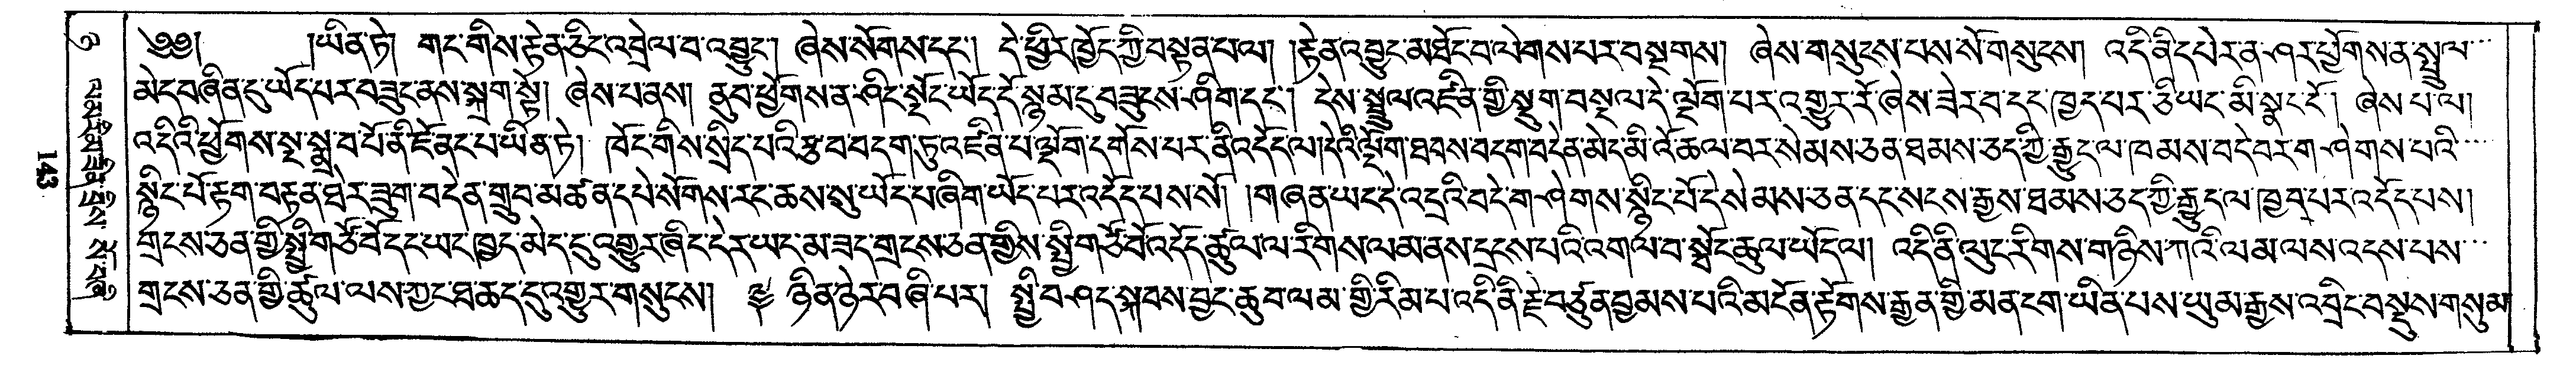༄༅། །ཡིན་ཏེ། གང་གིས་རྟེན་ཅིང་འབྲེལ་བ་འབྱུང་། ཞེས་སོགས་དང་། དེ་ཕྱིར་ཁྱོད་ཀྱི་བསྟན་པ་ལ། །རྟེན་འབྱུང་མཐོང་བ་ལེགས་པར་བསྔགས། ཞེས་གསུངས་པས་སོ་གསུངས། འདི་ནི་དཔེར་ན་ཤར་ཕྱོགས་ན་སྤྲུལ་
མེད་བཞིན་དུ་ཡོད་པར་བཟུང་ནས་སྐྲག་སྟེ། ཞེས་པ་ནས། ནུབ་ཕྱོགས་ན་ཤིང་སྡོང་ཡོད་དོ་སྙམ་དུ་བཟུངས་ཤིག་དང་། དེས་སྤྲུལ་འཛིན་གྱིས་སྡུག་བསྔལ་དེ་ལྡོག་བར་འགྱུར་རོ་ཞེས་ཟེར་བ་དང་ཁྱད་པར་ཅི་ཡང་མི་སྣང་ངོ། ཞེས་པ་ལ།
འདིའི་ཕྱོགས་སྔ་སྨྲ་བ་པོ་ནི་ཇོ་ནང་པ་ཡིན་ཏེ། ཁོང་གིས་སྲིད་པའི་རྩ་བ་བདག་ཏུ་འཛིན་པ་ལྡོག་དགོས་པར་ནི་འདོད་ལ་།དེའི་ལྡོག་ཐབས་བདག་བདེན་མེད་མི་འོ་ཚལ་བར་སེམས་ཅན་ཐམས་ཅད་ཀྱི་རྒྱུད་ལ་ཁམས་བདེ་བར་གཤེགས་པའི་
སྙིང་པོ་རྟག་བརྟན་ཐེར་ཟུག་བདེན་གྲུབ་མཚན་དཔེ་སོགས་རང་ཆས་སུ་ཡོད་པ་ཞིག་ཡོད་པར་འདོད་པས་སོ། །གཞན་ཡང་དེ་འདྲའི་བདེ་གཤེགས་སྙིང་པོ་དེ་སེམས་ཅན་དང་སངས་རྒྱས་ཐམས་ཅད་ཀྱི་རྒྱུད་ལ་ཁྱབ་པར་འདོད་པས།
གྲངས་ཅན་གྱི་སྤྱི་གཙོ་བོ་དང་ཡང་ཁྱར་མེད་དུ་འགྱུར་ཞིང་དེར་ཡང་མ་ཟད་གྲངས་ཅན་གྱིས་སྤྱི་གཙོ་བོ་འདོད་ཚུལ་ལ་རིགས་ལམ་ནས་དྲངས་པའི་འགལ་བ་སྤོང་ཚུལ་ཡོད་ལ། འདི་ནི་ལུང་རིགས་གཉིས་ཀའི་ལམ་ལས་འདས་པས་
གྲངས་ཅན་གྱི་ཚུལ་ལས་ཀྱང་ཐ་ཆད་དུ་འགྱུར་གསུངས། ༈ ཉིན་ཉེར་བཞི་པར། སྤྱི་བཤད་སྐབས་བྱང་ཆུབ་ལམ་གྱི་རིམ་པ་འདི་ནི་རྗེ་བཙུན་བྱམས་པའི་མངོན་རྟོགས་རྒྱན་གྱི་མན་ངག་ཡིན་པས་ཡུམ་རྒྱས་འབྲིང་བསྡུས་གསུམ་